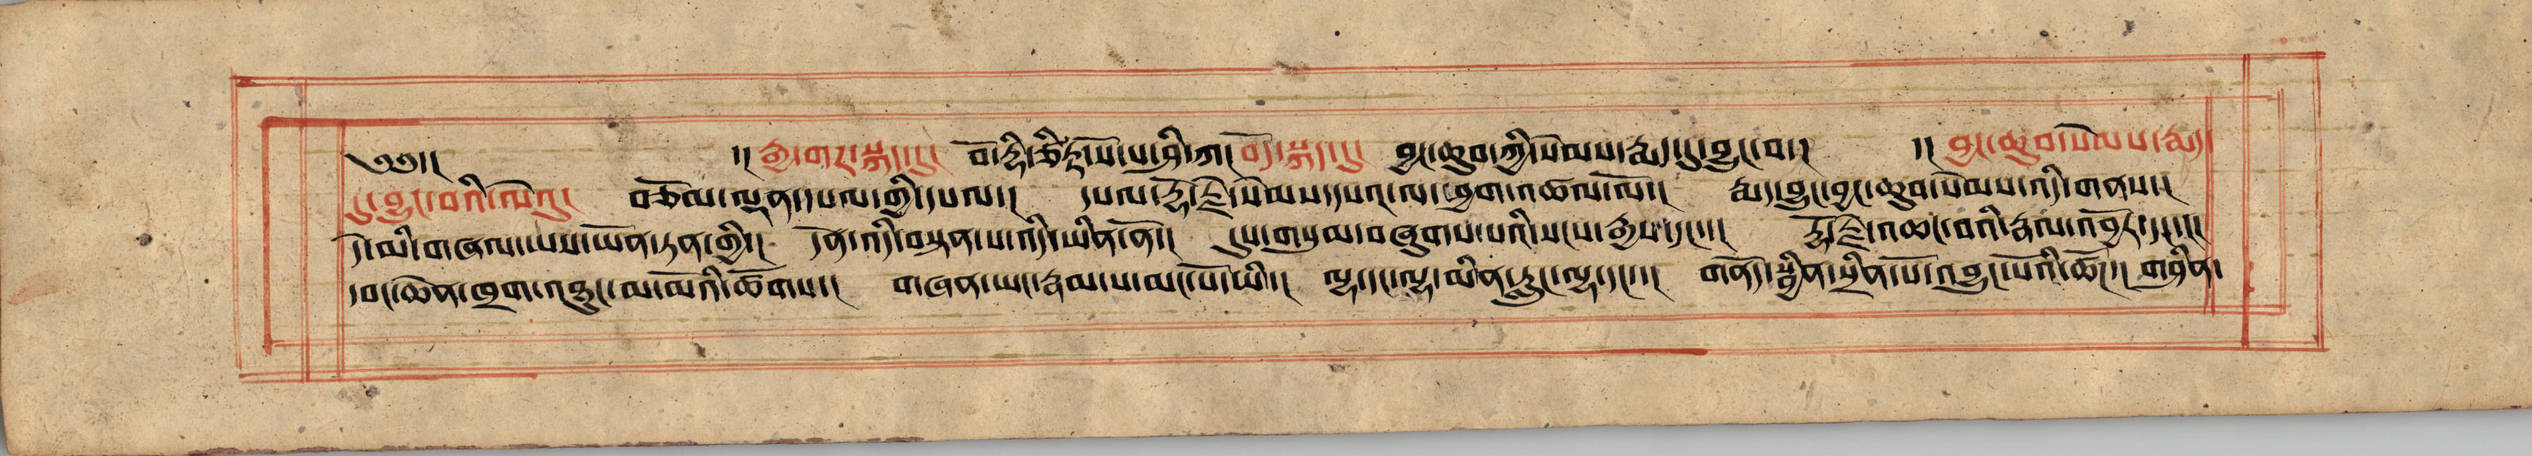༄༅་། ་།རྒྱ་གར་སྐད་དུ། བོ་རྡི་ཙིཏྟ་སོ་པ་ཤི་ཀ། བོད་སྐད་དུ་ བྱང་ཆུབ་ཀྱི་སེམས་རྨད་དུ་བྱུང་བ་། ་། བྱང་ཆུབ་སེམས་རྨད་
དུ་བྱུང་བའི་ལེའུ་ བཅོམ་ལྡན་དཔལ་གྱི་དཔལ་། དཔལ་རྡོ་རྗེ་སེམས་དཔའ་ལ་ཕྱག་འཚལ་ལོ་། རྨད་བྱུང་བྱང་ཆུབ་སེམས་འདི་གནས་།
དེ་མི་གཞལ་ཡས་ཡོན་ཏན་གྱི་། དོན་འདི་བསྟན་པ་འདི་ཡིན་ནོ་། དུས་གསུམ་བཞུགས་པའི་སངས་རྒྱས་དང་། རྡོ་རྗེ་འཆང་བའི་རྣལ་འབྱོར་དང་།།།
དབང་ཆེན་ཁྲག་འཐུང་མ་མོའི་ཚོགས་། གཞན་ཡང་རྣམ་པ་མང་པོ་ཡི་། ལྷ་དང་ལྷ་མིན་རླུང་ལྷ་དང་། གནོད་སྦྱིན་སྲིན་པོ་འབྱུང་པོའི་ཚོཌ་། གཤིན་